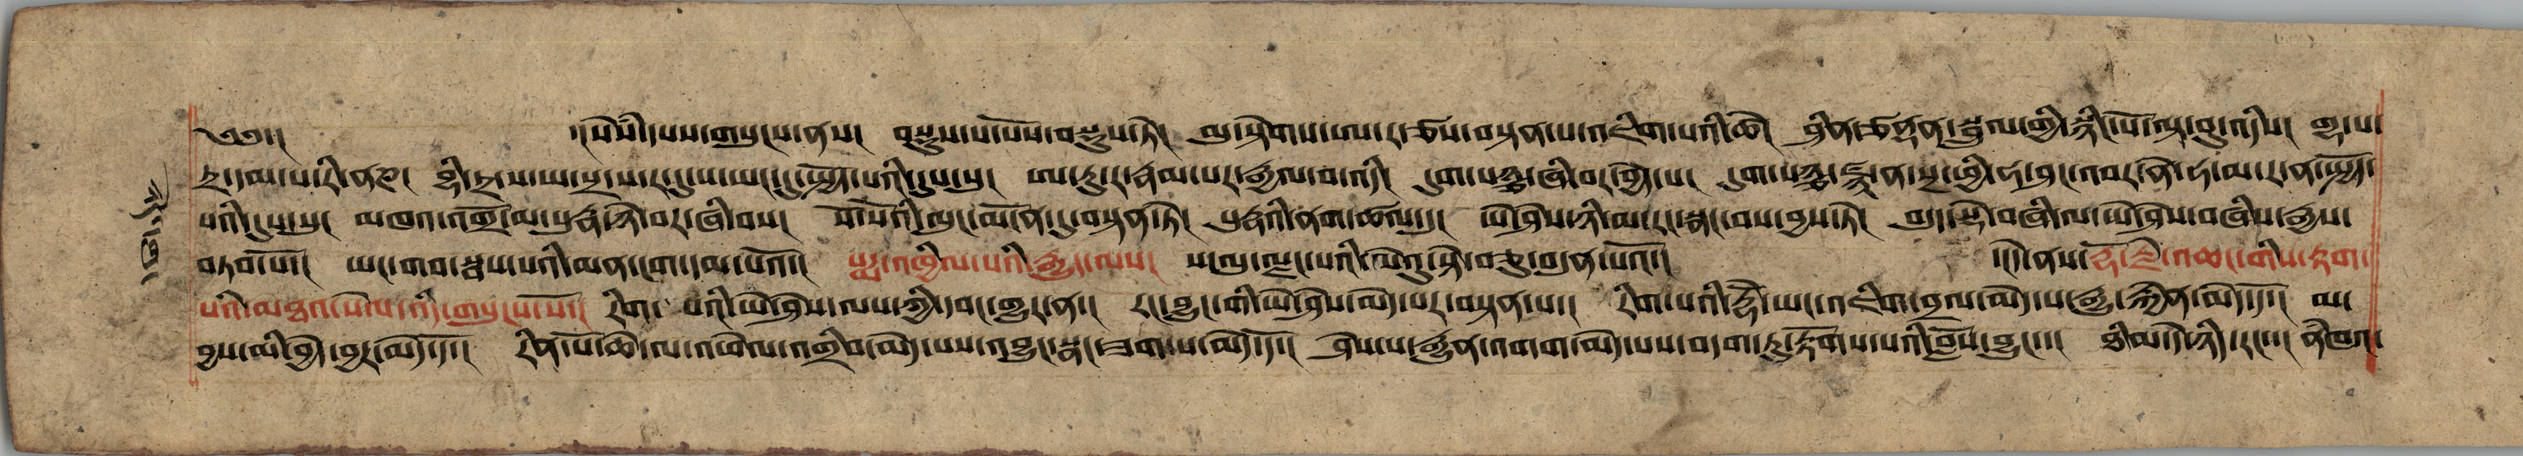༄༅་། ་།སེཾས་དཔས་གསུངས་ནས། བསྡུས་པ་པོས་བསྡུས་ཏེ། མུ་སྟེགས་ཨ་ར་ཙས་བསྟན་པ་འཇིག་པའི་ཚེ། ཤིན་ཙནྡན་སྦྲུལ་གྱི་སྙིང་པོ་ལྟ་བུ་འདིས། གྷ་པ་
ཏྲ་དམ་པ་རི་ནཎ། བྷི་ཏྲ་ས་ཡ་སྲ་ས་ར་དུ་ས་ཡང་དུ་སྤྱོད་པའི་དུས་སུ། ཨ་རུ་ར་རྣམ་པར་རྒྱལ་བ་འདི། དུག་པཉྩ་ཞི་བར་བྱེད་པ། དུག་པཉྩ་ཛྙ་ན་པྲ་ཕྱི་ཧ་ཤང་འབར་ནེ་ཧ་མ་ར་ན་སྤྱོད་
པའི་དུས་སུ། མཁའ་འགྲོ་མ་པུརྣ་ཉེ་བར་ཞི་བས། སོ་སོའི་ལུང་མངོན་དུ་བསྟན་ཏེ། པུརྣ་ནག་ཚལ་དུ། ཡེ་ཤེས་ཉི་མ་རང་སྣང་བས་བྱས་ཏེ། བདུད་སྟེ་བཞི་ལ་ཡེ་ཤེས་བཞིས་རྒྱས་
བཏབ་སོ། ཡང་གབ་སྦས་པའི་མན་ངག་དམ་པའོ་། པདྨ་འཁྱིལ་པའི་རྒྱུད་ལས། ས་ལུ་ལྗང་པའི་ལེའུ་སྟེ་བཅུ་བདུན་པའོ།། ་།དེ་ནས་རྡོ་རྗེ་འཆང་གིས་རྟག་
པའི་མཐའ་སེལ་འདི་གསུངས་སོ་། རིག་པའི་ཡེ་ཤེས་ལས་ཀྱི་དབང་གྱུར་ན་། རང་བྱུང་གི་ཡེ་ཤེས་མེད་པར་བསྟན་པ་། རིག་པའི་རྡོེ་ཡང་འཇིག་བྲལ་མེད་པ་རྒྱུ་རྐྱེན་མེད་དོ་། མ་
བྱས་མི་བྱེད་བྱར་མེད་དོ་། རིན་པོ་ཆེ་ལ་འཕེལ་འགྲིབ་མེད་པས་འབྱུང་སྣང་ཟག་པ་མེད་དོ་། ཤེས་པ་རྒྱུན་འགག་མེད་པས་བདག་ཏུ་རྟོགས་པའི་བློས་བྱུང་། ཐིམ་དེ་ཉིད་རང་་། ནཾཁའ་